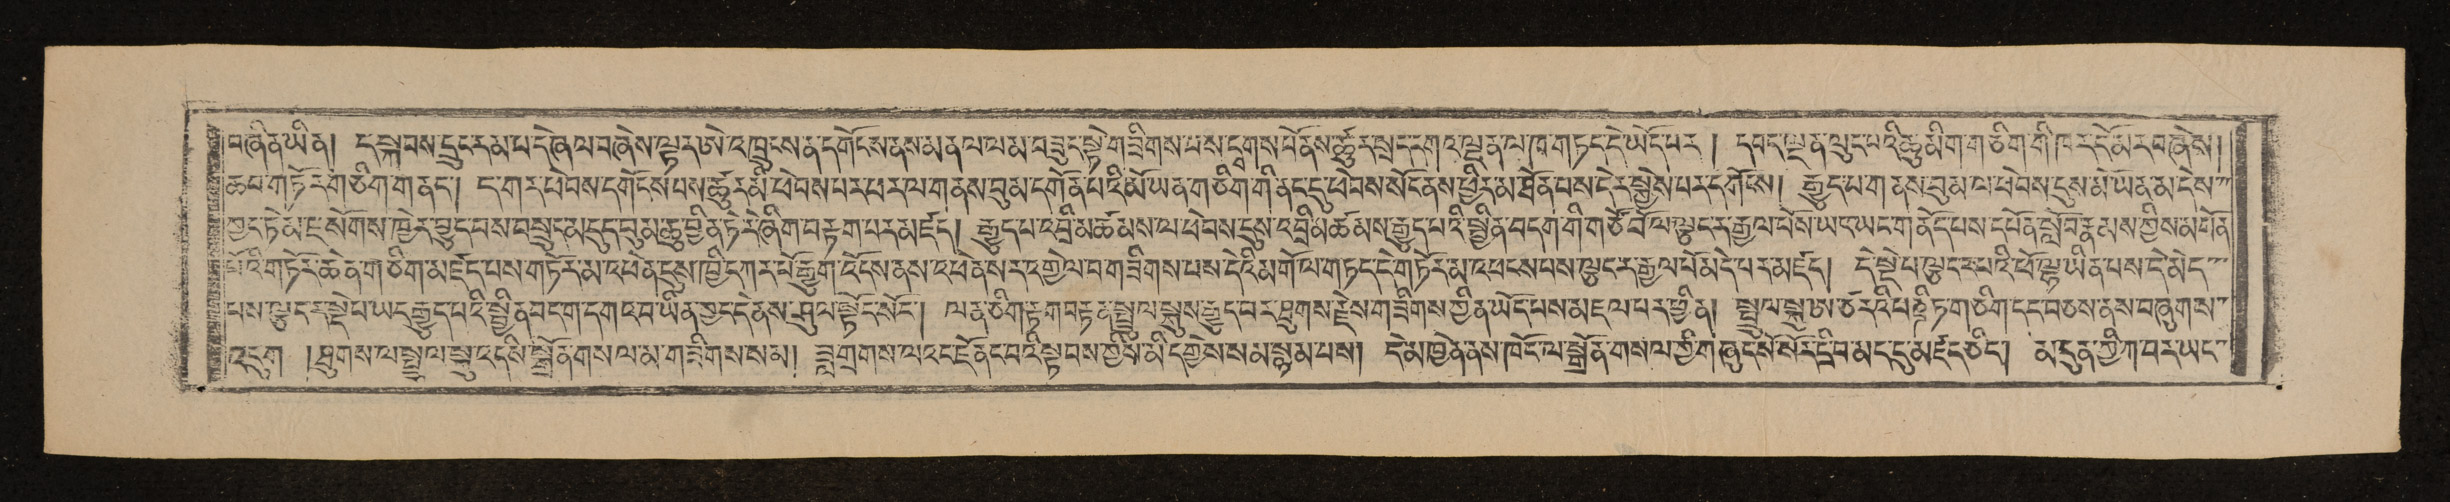བཞིན་ཡིན། ད་སྐབས་དྲུང་རམ་པ་དེ་ཞལ་བཞེས་ལྟར་ཨེ་འཁྲུངས་ན་དགོངས་ནས་མནལ་ལམ་བཟུང་སྟེ་གཟིགས་པས་དྭགས་པོ་ནས་ཚུར་སྲད་དགའ་ལྡན་ལ་ཁ་གཏད་དེ་ཡོང་བར། དབང་ལྡན་ལུང་པའི་ཆུ་མིག་གཅིག་གི་ཁར་དོམ་ར་བཞེས།
ཆབ་གཏོར་གཅིག་གནང་། ད་གར་ཕེབས་དགོངས་པས་ཚུར་མི་ཕེབས་པར་ཕར་ལ་གནས་བུམ་དགོན་པའི་མོ་ཡན་གཅིག་གི་ནང་དུ་ཕེབས་སོང་ནས་ཕྱིར་མ་ཐོན་པས་དེར་སྐྱེས་པར་དགོངས། རྒྱུད་པ་གནས་བུམ་ལ་ཕེབས་དུས་མོ་ཡན་མ་དེས་
ཀྱང་ཏེ་མ་ཇ་སོགས་ཁྱེར་བྱུང་བས་བསྲུང་མདུད་བུམ་ཆུ་བྱིན་ཏེ་རེ་ཞིག་བརྟག་པར་མཛད། རྒྱུད་པ་འབྲི་མཚམས་ལ་ཕེབས་དུས་འབྲི་མཚམས་རྒྱུད་པའི་སྦྱིན་བདག་གི་གཙོ་བོ་ལ་ལྕང་ར་རྒྱལ་པོས་ཡང་ཡང་གནོད་པས་དཔོན་སློབ་རྣམས་ཀྱིས་མགོན་
པོའི་གཏོར་ཆེན་གཅིག་མཛད་པས་གཏོར་མ་འཕེན་དུས་ཁྱི་དཀར་པོ་རྒྱུག་འོངས་ནས་འཕེན་སར་འགྱེལ་བ་གཟིགས་པས་དེའི་མགོ་ལ་གཏད་དེ་གཏོར་མ་འཕངས་པས་ལྕང་ར་རྒྱལ་པོ་མེད་པར་མཛད། དེ་སྡེ་བ་ལྕང་ར་བའི་ཕོ་ལྷ་ཡིན་པས་དེ་མེད་
པས་ལྕང་ར་སྡེ་པ་ཡང་རྒྱུད་པའི་སྦྱིན་བདག་དགའ་བ་ཡིན་ཀྱང་དེ་ནས་ཤུལ་སྟོང་སོང་། ལན་ཅིག་རྟག་བརྟན་སྤྲུལ་སྐུས་རྒྱུད་པར་ཐུགས་རྗེས་གཟིགས་ཀྱིན་ཡོད་པས་མཇལ་བར་ཕྱིན། སྤྲུལ་སྐུ་ཨ་ཙ་རའི་པཎྜི་ཏ་གཅིག་དང་བཅས་ནས་བཞུགས་
འདུག །ཐུགས་ལ་སྤྲུལ་སྐུ་འདིས་སྒྲོན་གསལ་མ་གཟིགས་སམ། ཟླ་གྲགས་ལའང་ཇོ་ནང་པའི་སྟབས་ཀྱིས་མི་དགྱེས་སམ་སྙམ་པས། དེ་མཁྱེན་ནས་ཁོང་ལ་སྒྲོན་གསལ་གྱི་གཞུང་སོ་སོར་དྲི་བ་མང་དུ་མཛད་ཅིང་། མདུན་གྱི་ཀ་བར་ཡང་